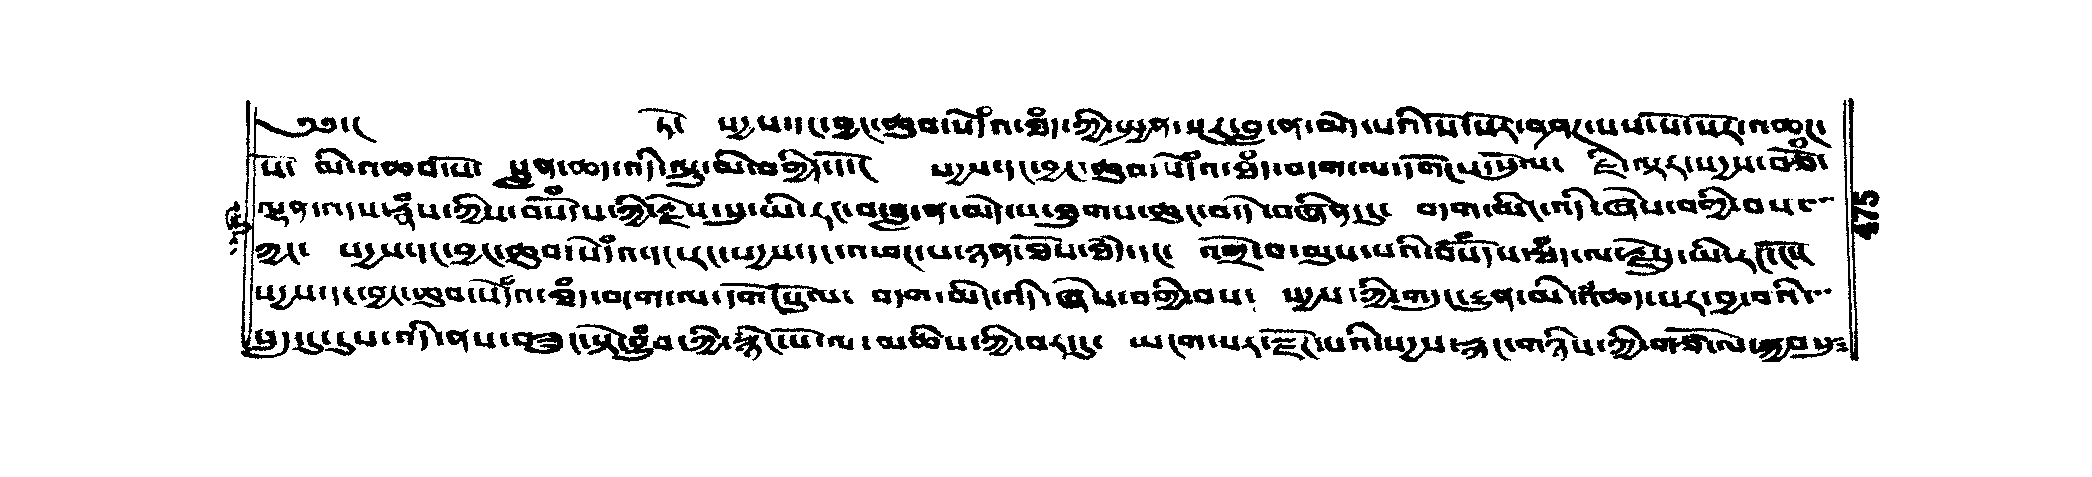ཏེ། སངས་རྒྱས་དང་བྱང་ཆུབ་སེམས་དཔའ་ཐམས་ཅད་ཀྱི་སྤྱན་སྔར་བླ་ན་མེད་པས་སོ་སོར་བཆགས་
སོ། མི་འཆབ་བོ། སླན་ཆད་འདི་ལྟ་བུ་མི་བགྱིད་དོ། སངས་རྒྱས་དང་བྱང་ཆུབ་སེམས་དཔའ་ཐམས་ཅདབདག་ལ་དགོངས་སུ་གསོལ། ཇི་ལྟར་སངས་རྒྱས་བཅོམ་
ལྡན་འདས་རྣམས་ཀྱིས་བསོད་ནམས་ཀྱི་རྗེས་སུ་ཡི་རང་བ་བླ་ན་མེད་པ་ཐུགས་ཆུང་བ་དེ་བཞིན་དུ། བདག་མིང་འདི་ཞེས་བགྱི་བས་
ཀྱང་། སངས་རྒྱས་དང་བྱང་ཆུབ་སེམས་དཔའ་དང་རང་སངས་རྒྱས་དང་འཕགས་པ་ཉན་ཐོས་ཐམས་ཅད་དང་། འགྲོ་བ་མ་ལུས་པའི་བསོད་ནམས་ཐམས་ཅད་ལ་རྗེས་སུ་ཡི་རང་ངོ་། 
སངས་རྒྱས་དང་བྱང་ཆུབ་སེམས་དཔའ་ཐམས་ཅད་བདག་ལ་དགོངས་སུ་གསོལ། བདག་མིང་འདི་ཞེས་བགྱི་བས་སངས་རྒྱས་ཀྱི་གདུང་རྒྱུན་མི་ཆད་པར་བྱ་བའི་
སླད་དུ་དུས་འདི་ནས་བཟུང་སྟེ་བྱང་ཆུབ་ཀྱི་སྙིང་པོ་ལ་མཆིས་ཀྱི་བར་དུ། ཡང་དག་པར་རྫོགས་པའི་སངས་རྒྱས་རྐང་རྐང་གཉིས་ཀྱི་གཙོ་ལ་སྐྱབས་སུ་